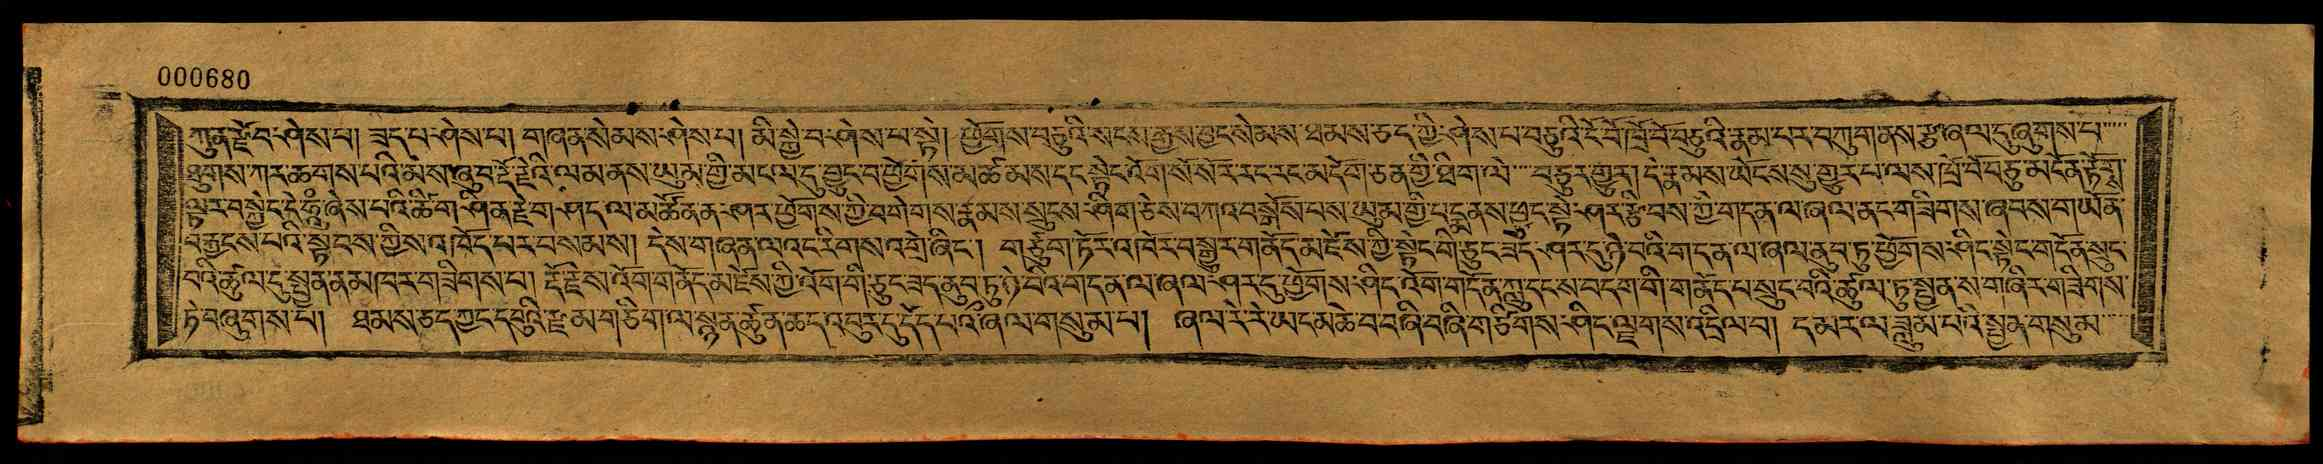ཀུན་རྫོབ་ཤེས་པ། ཟད་པ་ཤེས་པ། གཞན་སེམས་ཤེས་པ། མི་སྐྱེ་བ་ཤེས་པ་སྟེ། ཕྱོགས་བཅུའི་སངས་རྒྱས་བྱང་སེམས་ཐམས་ཅད་ཀྱི་ཤེས་པ་བཅུའི་ངོ་བོ་ཁྲོ་བོ་བཅུའི་རྣམ་པར་བཀུག་ནས་རྩ་ཞལ་དུ་ཞུགས་པ་
ཐུགས་ཀར་ཆགས་པའི་མེས་ཞུ་བ་རྡོ་རྗེའི་ལམ་ནས་ཡུམ་གྱི་མངལ་དུ་བྱུང་བ་ཕྱོགས་མཚམས་དང་སྟེང་འོག་སོ་སོར་རང་རང་མདོག་ཅན་གྱི་ཐིག་ལེ་བཅུར་གྱུར། དེ་རྣམས་ཡོངས་སུ་གྱུར་པ་ལས་ཁྲོ་བོ་བཅུ་མངོན་རྟོག་
ལྟར་བསྐྱེད་དེ་ཧཱུཾ་ཞེས་པའི་ཚེ་གཤིན་རྗེ་གཤེད་ལ་མཚོན་ན་ཤར་ཕྱོགས་ཀྱི་བགེགས་རྣམས་སྲུངས་ཤིག་ཅེས་བཀའ་བསྒོས་པས་ཡུམ་གྱི་པདམ་ནས་ཕྱུང་སྟེ་ཤར་རྩིབས་ཀྱི་གདན་ལ་ཞལ་ནང་གཟིགས་ཞབས་གཡོན་
བརྐྱང་པའི་སྟབས་ཀྱིས་འཁོད་པར་བསམས། དེས་གཞན་ལའང་རིགས་འགྲེ་ཞིང་། གཙུག་ཏོར་འཁོར་བསྒྱུར་གནོད་མཛེས་ཀྱི་སྟེང་གི་ཅུང་ཟད་ཤར་དུ་ཉེ་བའི་གདན་ལ་ཞལ་ནུབ་ཏུ་ཕྱོགས་ཤིང་སྟེང་གདོན་སྲུང་
བའི་ཚུལ་དུ་སྤྱན་ནམ་མཁར་གཟིགས་པ། རྡོ་རྗེ་ས་འོག་གནོད་མཛེས་ཀྱི་འོག་གི་ཅུང་ཟད་ནུབ་ཏུ་ཉེ་བའི་གདན་ལ་ཞལ་ཤར་དུ་ཕྱོགས་ཤིང་འོག་གདོན་ཀླུ་དང་ས་བདག་གི་གནོད་པ་སྲུང་པའི་ཚུལ་ཏུ་སྤྱན་ས་གཞིར་གཟིགས་
ཏེ་བཞུགས་པ། ཐམས་ཅད་ཀྱང་དབུའི་རྫ་མ་གཅིག་ལ་སྙན་ཚུན་ཆད་འབུར་དུ་དོད་པའི་ཞལ་གསུམ་པ། ཞལ་རེ་རེ་ཡང་མཆེ་བ་བཞི་བཞི་གཙིགས་ཤིང་ལྗགས་འདྲིལ་བ། དམར་ལ་ཟླུམ་པའི་སྤྱན་གསུམ་